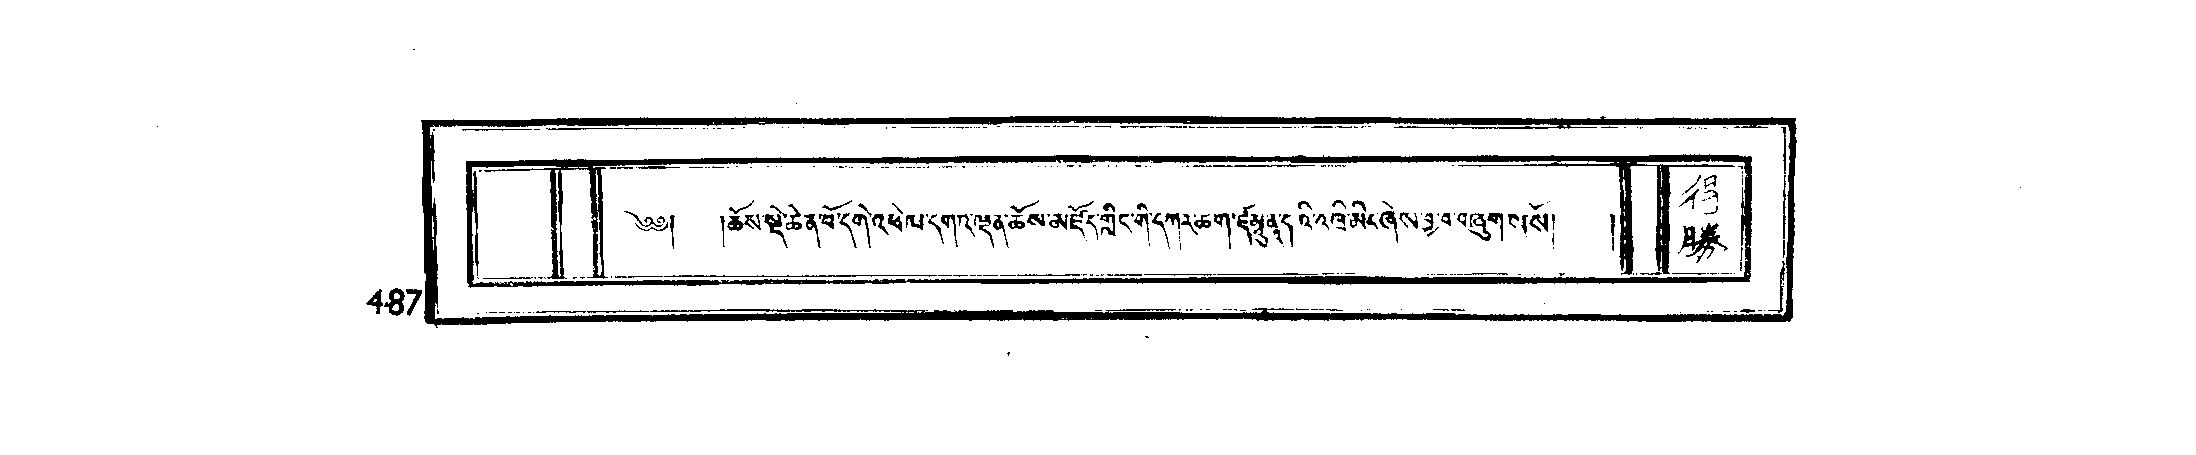༄༅། །ཆོས་སྡེ་ཆེན་པོ་དགེ་འཕེལ་དགའ་ལྡན་ཆོས་མཛོད་གླིང་གི་དཀར་ཆག་ཛམ་བུ་ནཱ་དའི་འཁྲི་ཤིང་ཞེས་བྱ་བ་བཞུགས་སོ། །